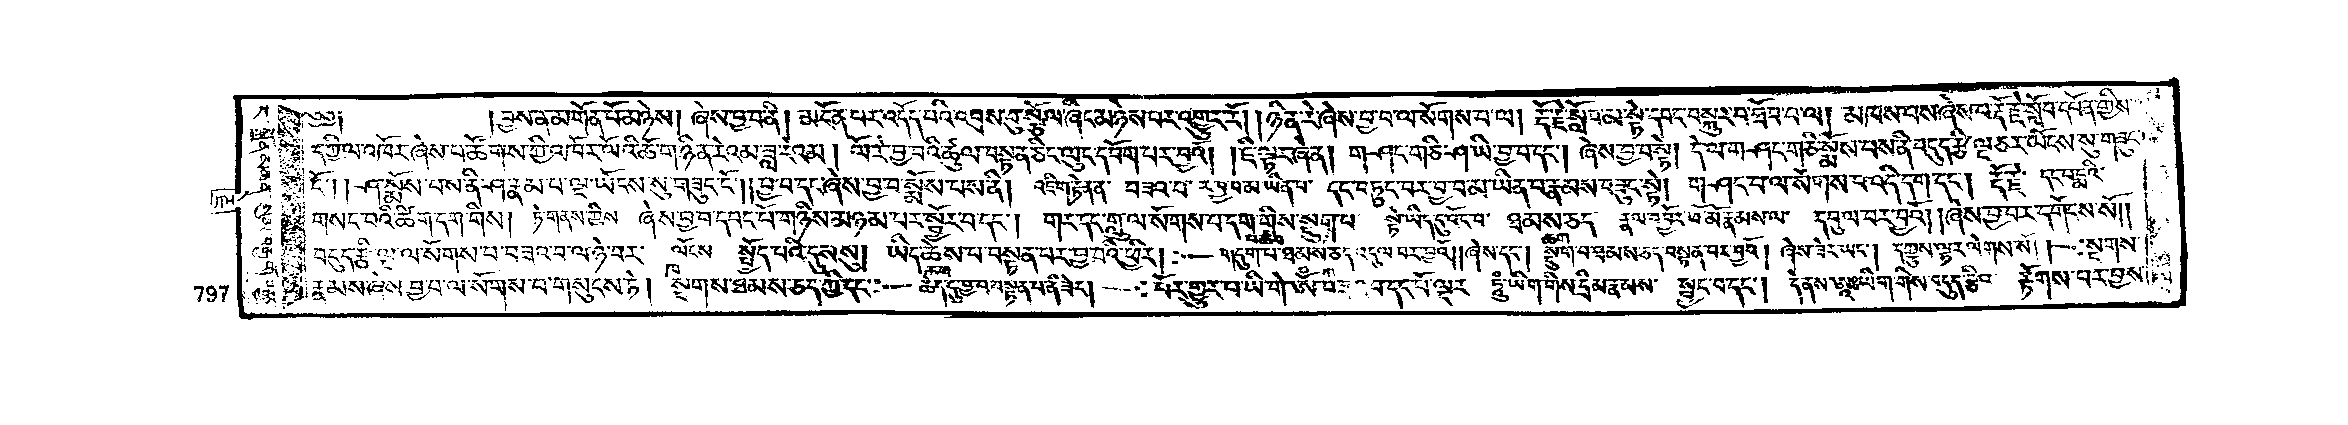༄༅། །བྱས་ན་མགོན་པོ་མཉེས། ཞེས་བྱ་བ་ནི། མངོན་པར་འདོད་པའི་འབྲས་བུ་སྩོལ་ཞིང་མཉེས་པར་འགྱུར་རོ། །ཉིན་རེ་ཞེས་བྱ་བ་ལ་སོགས་པ་ལ། རྡོ་རྗེ་སློབ་མ་སྟེ་དབང་བསྐུར་བ་ཐོབ་པ་ལ། མཁས་པས་ཞེས་པ་རྡོ་རྗེ་སློབ་དཔོན་གྱིས།
དཀྱིལ་འཁོར་ཞེས་པ་ཚོགས་ཀྱི་འཁོར་ལོའི་ཚེ་གཉིན་རེའམ་ཟླ་རེའམ། ལོ་རེ་བྱ་བའི་ཚུལ་བསྟན་ཅིང་ལུང་དབོག་པར་བྱའོ། །ཇི་ལྟར་ཞེ་ན། གཤང་གཅི་ཤ་ཡི་བྱ་བ་དང་། ཞེས་བྱ་བ་སྟེ། དེ་ལ་གཤང་གཅི་སྨོས་པས་ནི་བདུད་རྩི་ལྔ་ཅར་ཡོངས་སུ་གཟུང་
ངོ། །ཤ་སྨོས་པས་ནི་ཤ་རྣམ་པ་ལྔ་ཡོངས་སུ་གཟུང་ངོ། །བྱ་བ་དང་ཞེས་བྱ་བ་སྨོས་པས་ནི། འཇིག་རྟེན་ན་བཟའ་བར་བྱ་བ་མ་ཡིན་པ་དང་བཏུང་བར་བྱ་བ་མ་ཡིན་པ་རྣམས་བཟུང་སྟེ། གཤང་བ་ལ་སོགས་པ་འདི་དག་དང་། རྡོ་རྗེ་དང་པདམའི
གསང་བའི་ཚིག་དག་གིས། ཏེ་གནས་ཀྱིས་ཞེས་བྱ་བ་དབང་པོ་གཉིས་མཉམ་པར་སྦྱོར་བ་དང་། གར་དང་གླུ་ལ་སོགས་པ་དག་གིས་སྡུག་པ་སྟེ་ཡིད་དུ་འོང་བ་ཐམས་ཅད་རྣལ་འབྱོར་ཕོ་མོ་རྣམས་ལ་དབུལ་བར་བྱའོ། །ཞེས་བྱ་བར་དགོངས་སོ། །
བདུད་རྩི་ལྔ་ལ་སོགས་པ་བཟའ་བ་ལ་ཉེ་བར་ལོངས་སྤྱོད་པའི་དུས་སུ། ཡིད་ཆེས་པ་བསྟན་པར་བྱ་བའི་ཕྱིར། H.་པ་ཚབ་གདུག་པ་ཐམས་ཅད་འདུལ་བར་བྱའོ། །ཞེས་དང་། ཆག་སྡུག་པ་ཐམས་ཅད་བསྟན་པར་བྱའོ། ཞེས་ཟེར་ཡང་། དཀྱུས་ལྟར་ལེགས་སོ། ། .H སྔགས་
རྣམས་ཞེས་བྱ་བ་ལ་སོགས་པ་གསུངས་ཏེ། ཁ་སྔགས་ཐམས་ཅད་ཀྱི་དང་H.་ཆག་ཆད་དུ་བྱ་བ་བསྟན་པ་ནི་ཟེར། .H པོར་གྱུར་བ་ཡི་གེ་ཨོཾ་ཀ་བཟའ་བ་དང་པོ་ལྔར་ཧཱུཾ་ཡིག་གིས་དྲི་མ་རྣམས་{སྦྱང་བ་དང་། དེ་ནས་ཨཱཿ ཡིག་གིས་བདུད་རྩིར་རྟོགས་པར་བྱས་